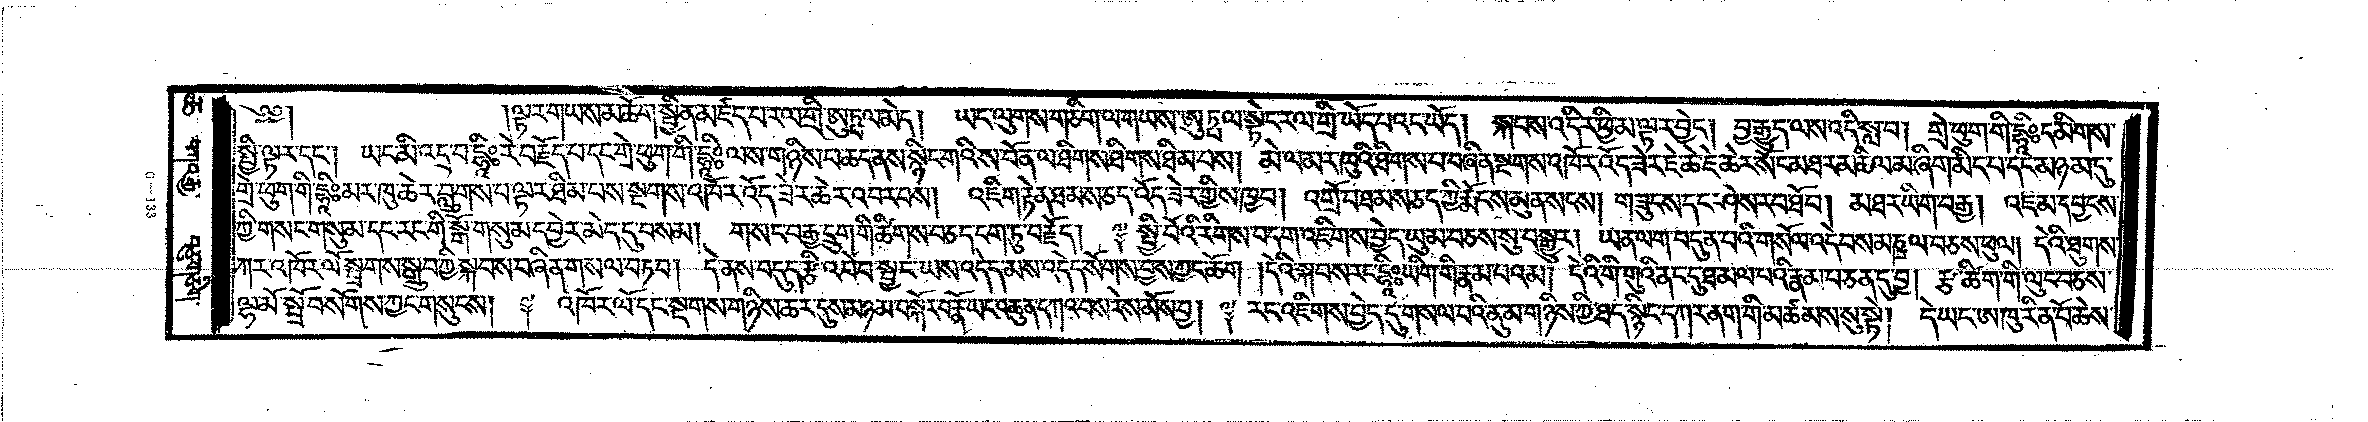༄༅། །ལྟར་གཡས་མཆོག་སྦྱིན་མཛད་པ་རལ་གྲི་ཨུཏྤལ་མེད། ཡང་ལུགས་གཅིག་ལ་གཡས་ཨུཏྤལ་སྟེང་རལ་གྲི་ཡོད་པའང་ཡོད། སྐབས་འདིར་ཕྱི་མ་ལྟར་བྱེད། བྱ་རྒྱུད་ལས་འདི་སླ་བ། གྲེ་ཕུག་གི་དྷཱིཿདམིགས་
སྤྱི་ལྟར་དང་། ཡང་མི་འདྲ་བ་དྷཱིཿརེ་བརྗོད་པ་དང་གྲེ་ཕུག་གི་དྷཱིཿལས་གཉིས་པ་ཆད་ནས་སྙིང་གའི་ས་བོན་ལ་ཐིགས་ཐིགས་ཐིམ་པས། མེ་ལ་མར་ཁུའི་ཐིགས་པ་བཞིན་སྔགས་འཁོར་འོད་ཟེར་ཇེ་ཆེ་ཇེ་ཆེར་སོང་མཐར་མཆིལ་མ་ཞིག་མིང་པ་དང་མཉམ་དུ་
གྲེ་ཕུག་གི་དྷཱིཿམར་ཁུ་ཆེར་བླུགས་པ་ལྟར་ཐིམ་པས་སྔགས་འཁོར་འོད་ཟེར་ཆེར་འབར་བས། འཇིག་རྟེན་ཐམས་ཅད་འོད་ཟེར་གྱིས་ཁྱབ། འགྲོ་བ་ཐམས་ཅད་ཀྱི་རྨོངས་མུན་སངས། གཟུངས་དང་ཤེས་རབ་ཐོ་བ། མཐར་ཡིག་བརྒྱ། འཇམ་དབྱངས་
ཀྱི་གསང་གསུམ་དང་རང་གི་སྒོ་གསུམ་དབྱེར་མེད་དུ་བསམ། གསང་བརྒྱ་དྲུག་གི་ཚིགས་བཅད་ངག་ཏུ་བརྗོད། ༈ སྤྱི་བོའི་རིགས་བདག་འཇིགས་བྱེད་ཡུམ་བཅས་སུ་བསྒྱུར། ཡན་ལག་བདུན་པའི་གསོལ་འདེབས་མཎྜལ་བཅས་ཕུལ། དེའི་ཐུགས་
ཀར་འཁོར་ལོ་སྦྲགས་སྒྲུབ་ཀྱི་སྐབས་བཞིན་གསལ་བཏབ། དེ་ནས་བདུད་རྩི་འབེབ་སྦྱང་ཡས་འདེད་མས་འདེད་སོགས་བྱས་ཀྱང་ཆོག །དེའི་སྐབས་རང་དྷཱིཿཡིག་གི་རྣམ་པའམ། དེའི་གི་གུའི་ནང་དུ་ཐ་མལ་པའི་རྣམ་པ་ཅན་དུ་བྱ། རྩ་ཚིག་གི་ལུང་བཅས་
ལྷ་མོ་སྤྲོ་བ་སོགས་ཀྱང་གསུངས། ༈ འཁོར་ལོ་དང་སྔགས་གཉིས་ཆར་དུས་མཉམ་བསྐོར་བ་རྣོ་ཡང་འཆུན་དཀའ་བས་རེས་མོས་བྱ། ༈ རང་འཇིགས་བྱེད་དུ་གསལ་བའི་ནུ་མ་གཉིས་ཀྱི་ཐད་སྙིང་དཀར་ནག་གི་མཚམས་སུ་སྟེ། དེ་ཡང་ཨ་ཁུ་རིན་པོ་ཆེས་